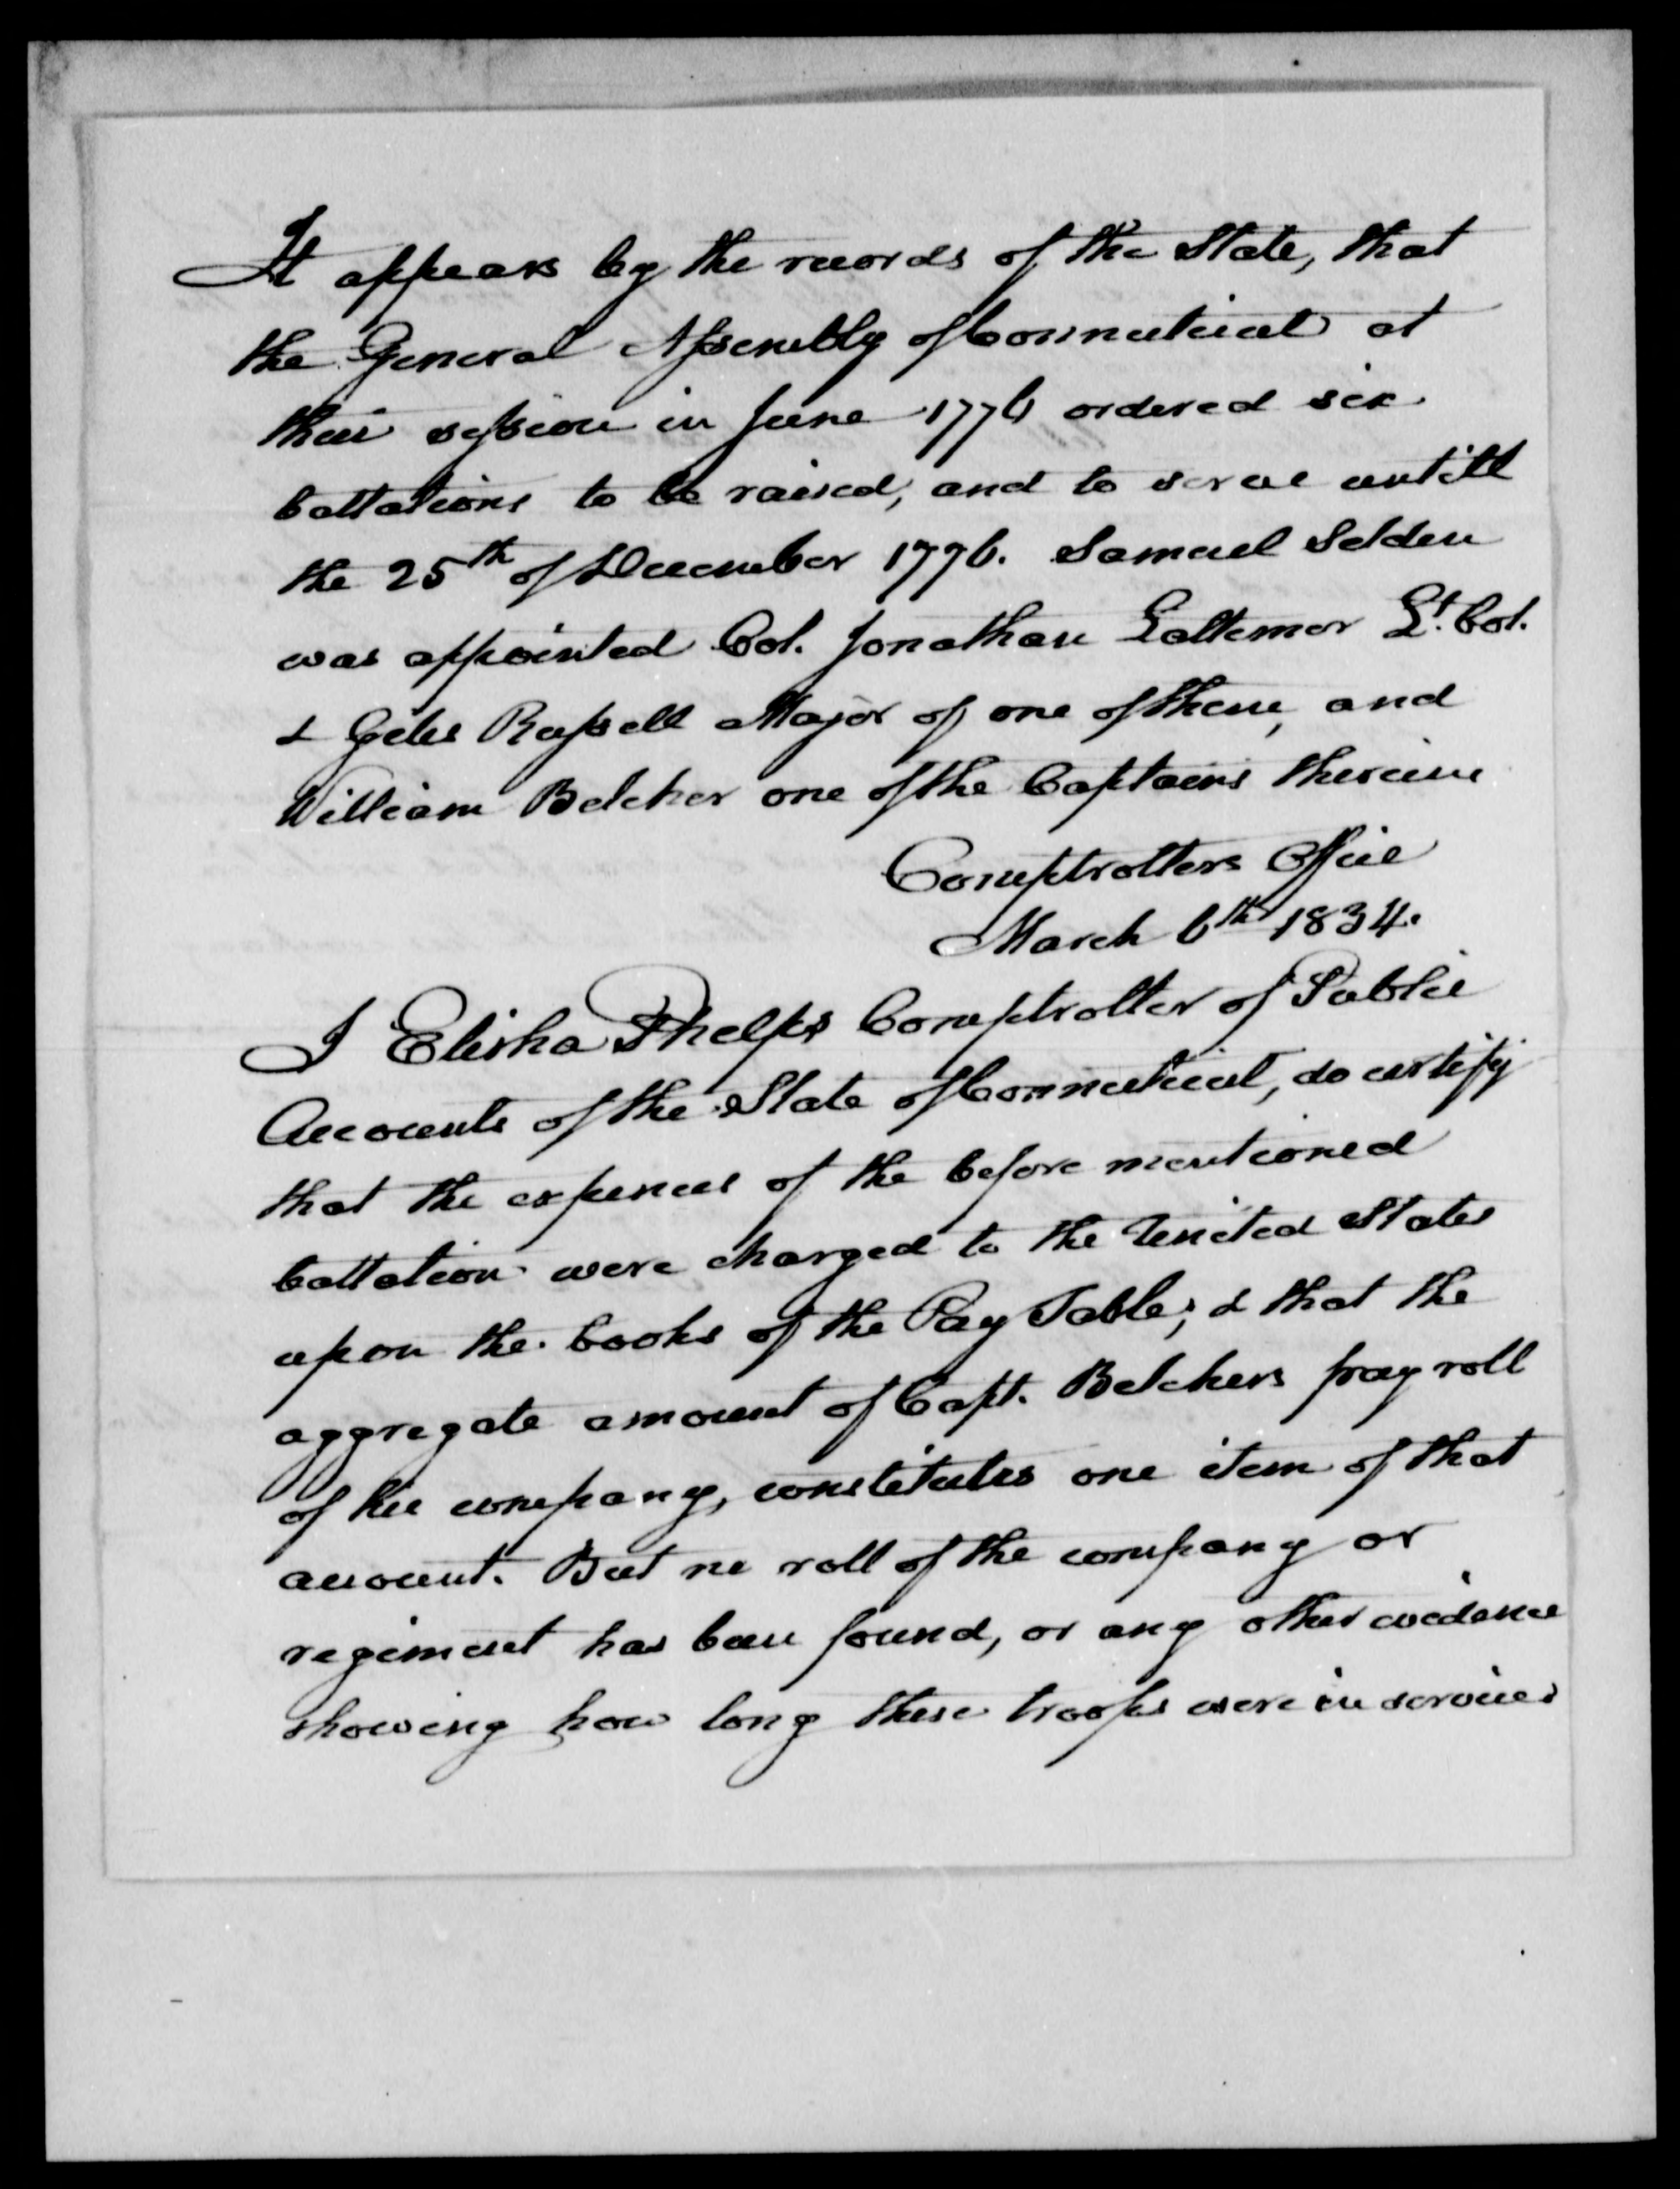It appears by the records of the State, that the General Assembly of Connecticut at the session in June 1776 ordered six battalions to be raised, and to serve untill the 25th of December 1776. Samuel Selden was appointed Col. Jonathan Lattimer Lt Col. & Geles[sp] Russell Major of one of them, and William Belcher one of the Captains therein
Comptrollers Office
March 6th 1834.

I Elisha Phelps Comptroller of Public Accounts of the State of Connecticut, do certify that the expences of the before mentioned battalion were charged to the United States upon the books of the Pay Table, & that the aggregate amount of Capt Belchers pay roll of the company, constitutes one item of that account. But no roll of the company or regiment has been found, or any other evidence showing how long these troops were in service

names: Giles Russell, Elisha Phelps, William Belcher, Jonathan Lattimer, Samuel Selden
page: 25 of 29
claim: widow's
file: W. 22604, Prosper Wheeler, Conn.